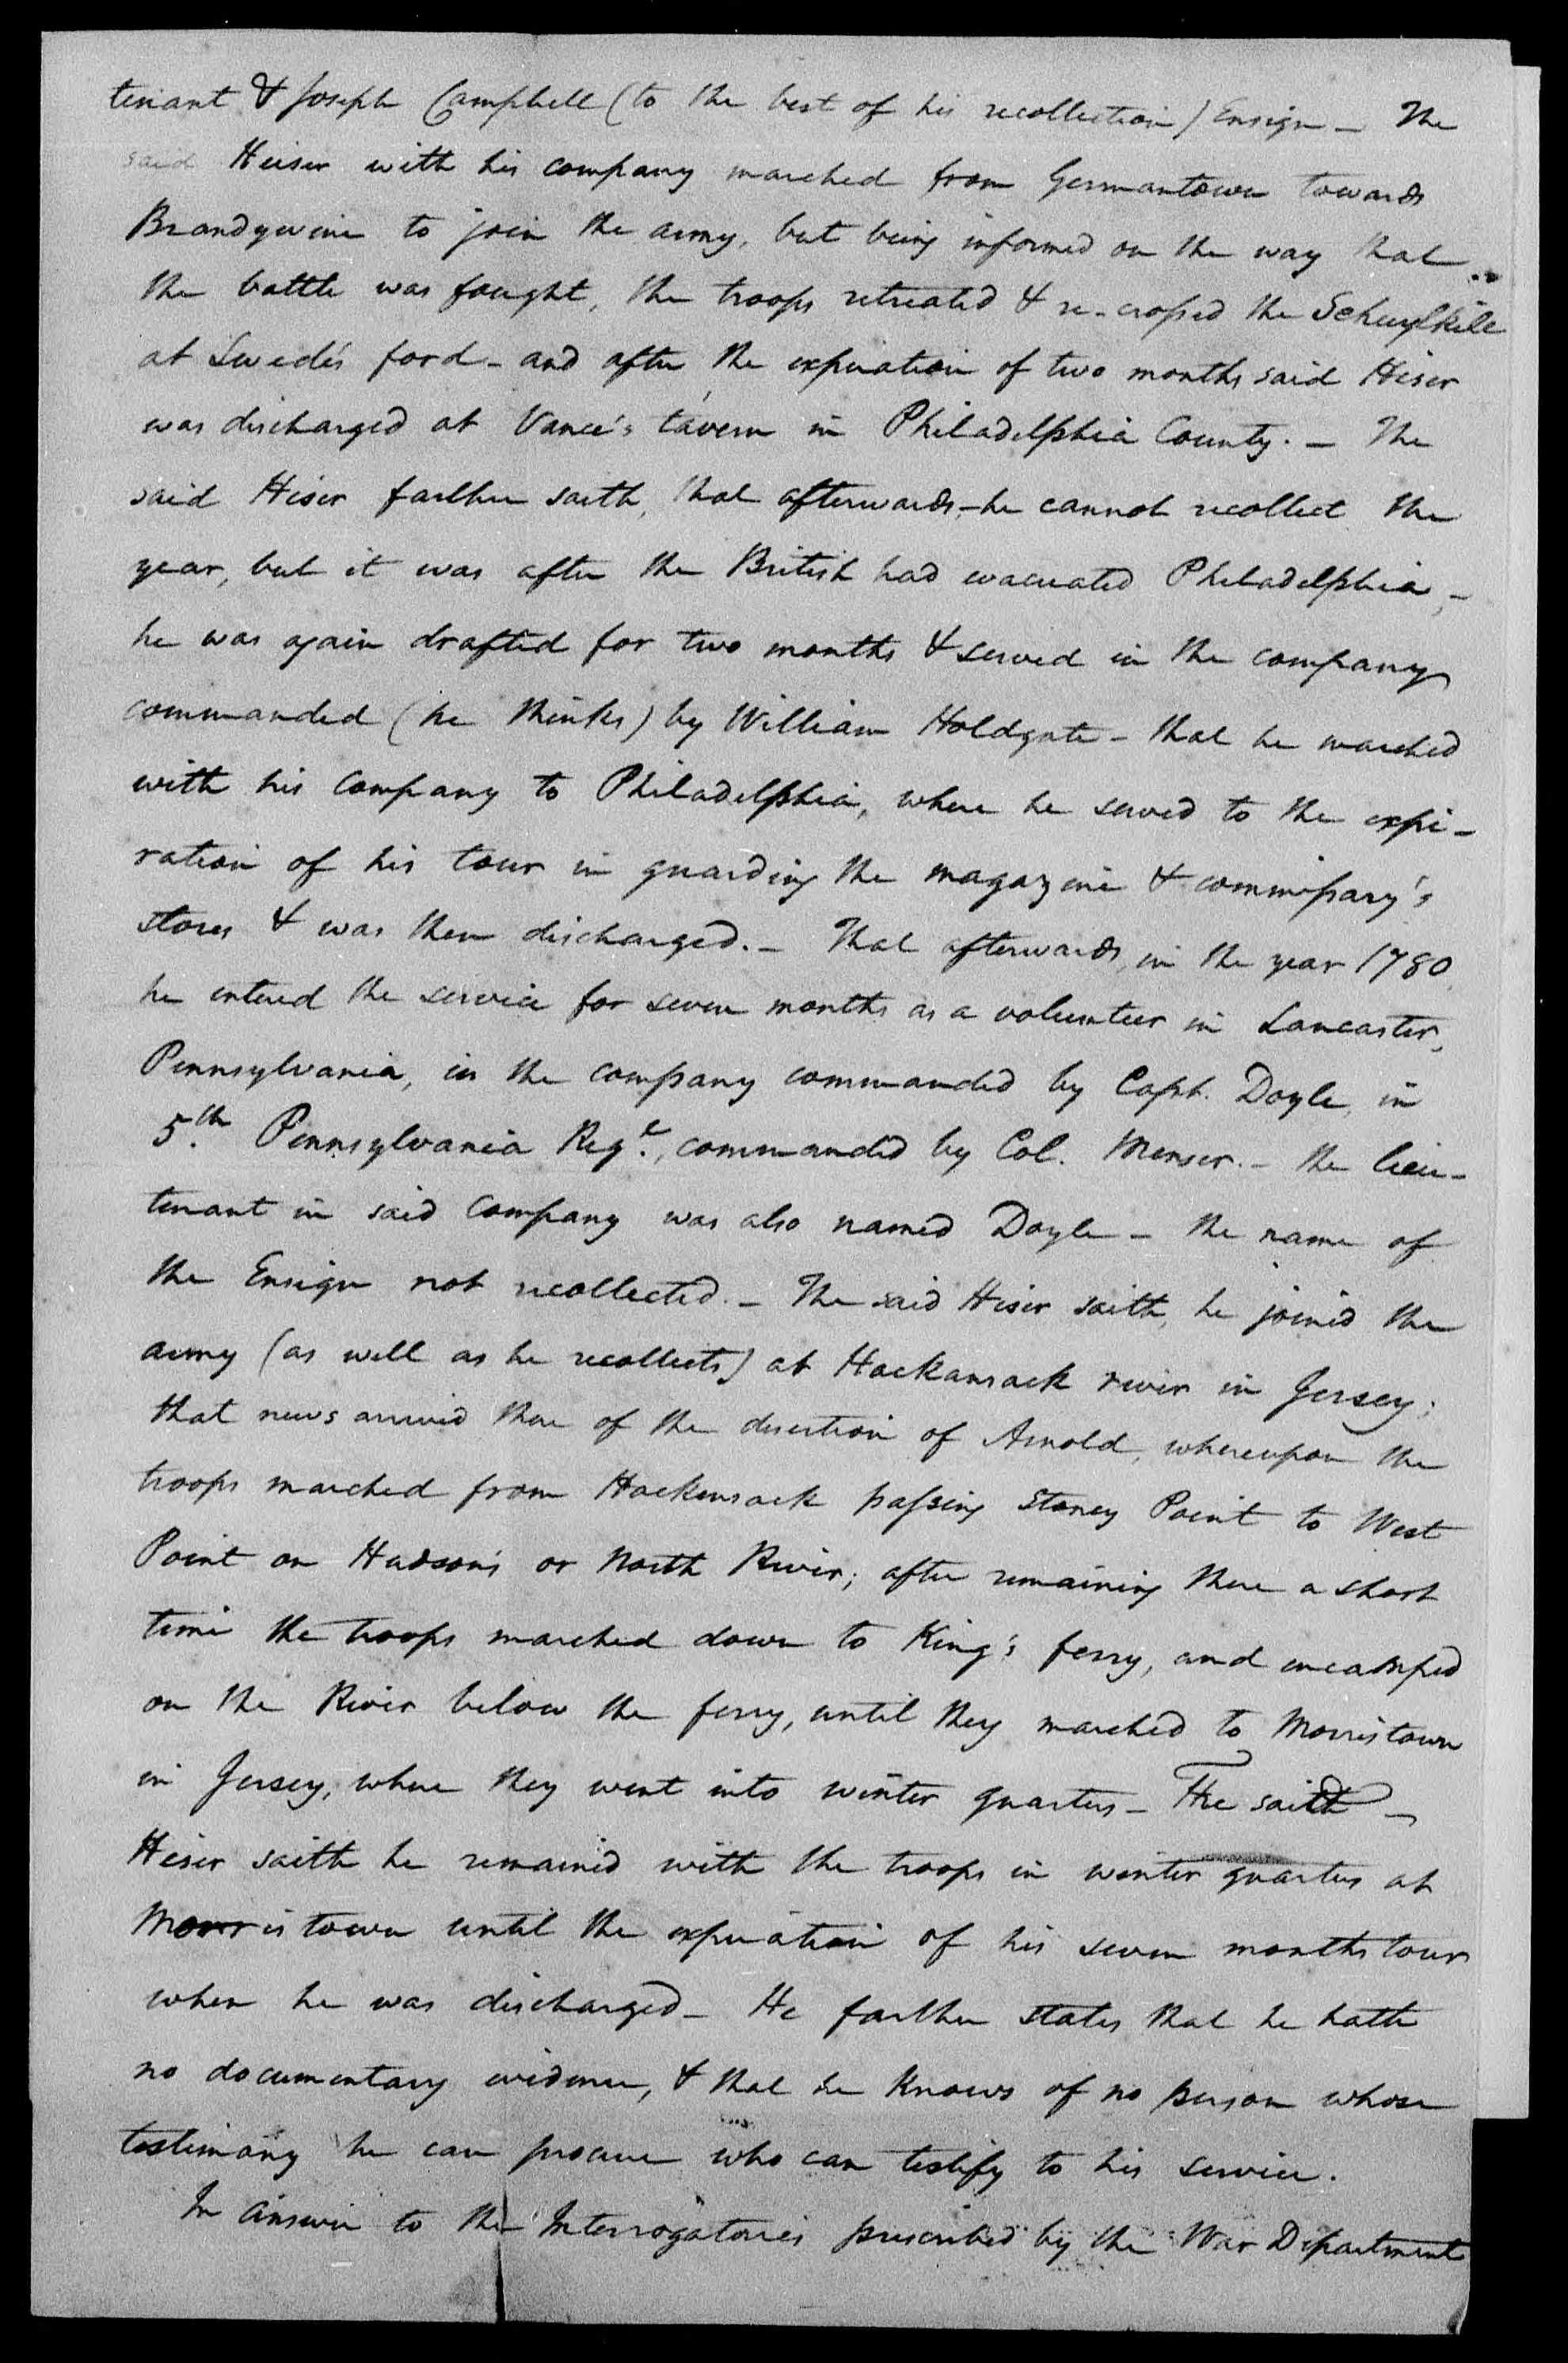{Lieu}tenant & Joseph Campbell (to the best of his recollection) Ensign.  The said Hiser with his company marched from Germantown towards Brandywine to join the army, but being informed on the way that the battle was fought, the troops retreated & recrossed the Schuylkill at Swede's ford.  And after the expiration of two months said Hiser was discharged at Vance's tavern in Philadelphia County. - The said Hiser further saith that afterwards - he cannot recollect the year, but it was after the British had evacuated Philadelphia - he was again drafted for two months & served in the company commanded (he thinks) by William Holdgate - that he marched with his company to Philadelphia, where he served to the expiration of his tour in guarding the magazine & commissary's stores & was then discharged.  That afterwards, in the year 1780, he entered the service for seven months as a volunteer in Lancaster, Pennsylvania, in the company commanded by Capt. Doyle - the name of the Ensign not recollected.  The said Hiser saith he joined the army (as well as he recollects) at Hackensack river in Jersey, that news arrived there of the desertion of Arnold, whereupon the troops marched from Hackensack passing Stoney Point to West Point on Hudson or North River; after remaining there a short time the troops marched down to King's ferry, and encamped on the River below the ferry, until they marched to Morristown in Jersey, where they went into winter quarters. The saith Hiser saith he remained with the troops in winter quarters at Morristown until the expiration of his seven months tour when he was discharged - He further states that he hath no documentary evidence, & that he knows of no person whose testimony he can procure who can testify to his service.
In answer to the Interrogatories prescribed by the War Department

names: William Holdgate, Merser, Joseph Campbell, Hiser, Doyle, Hiser, Heiser, Hiser, Doyle, Arnold, Hiser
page: 7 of 58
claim: widow's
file: W. 8932, John Hiser, Penn.